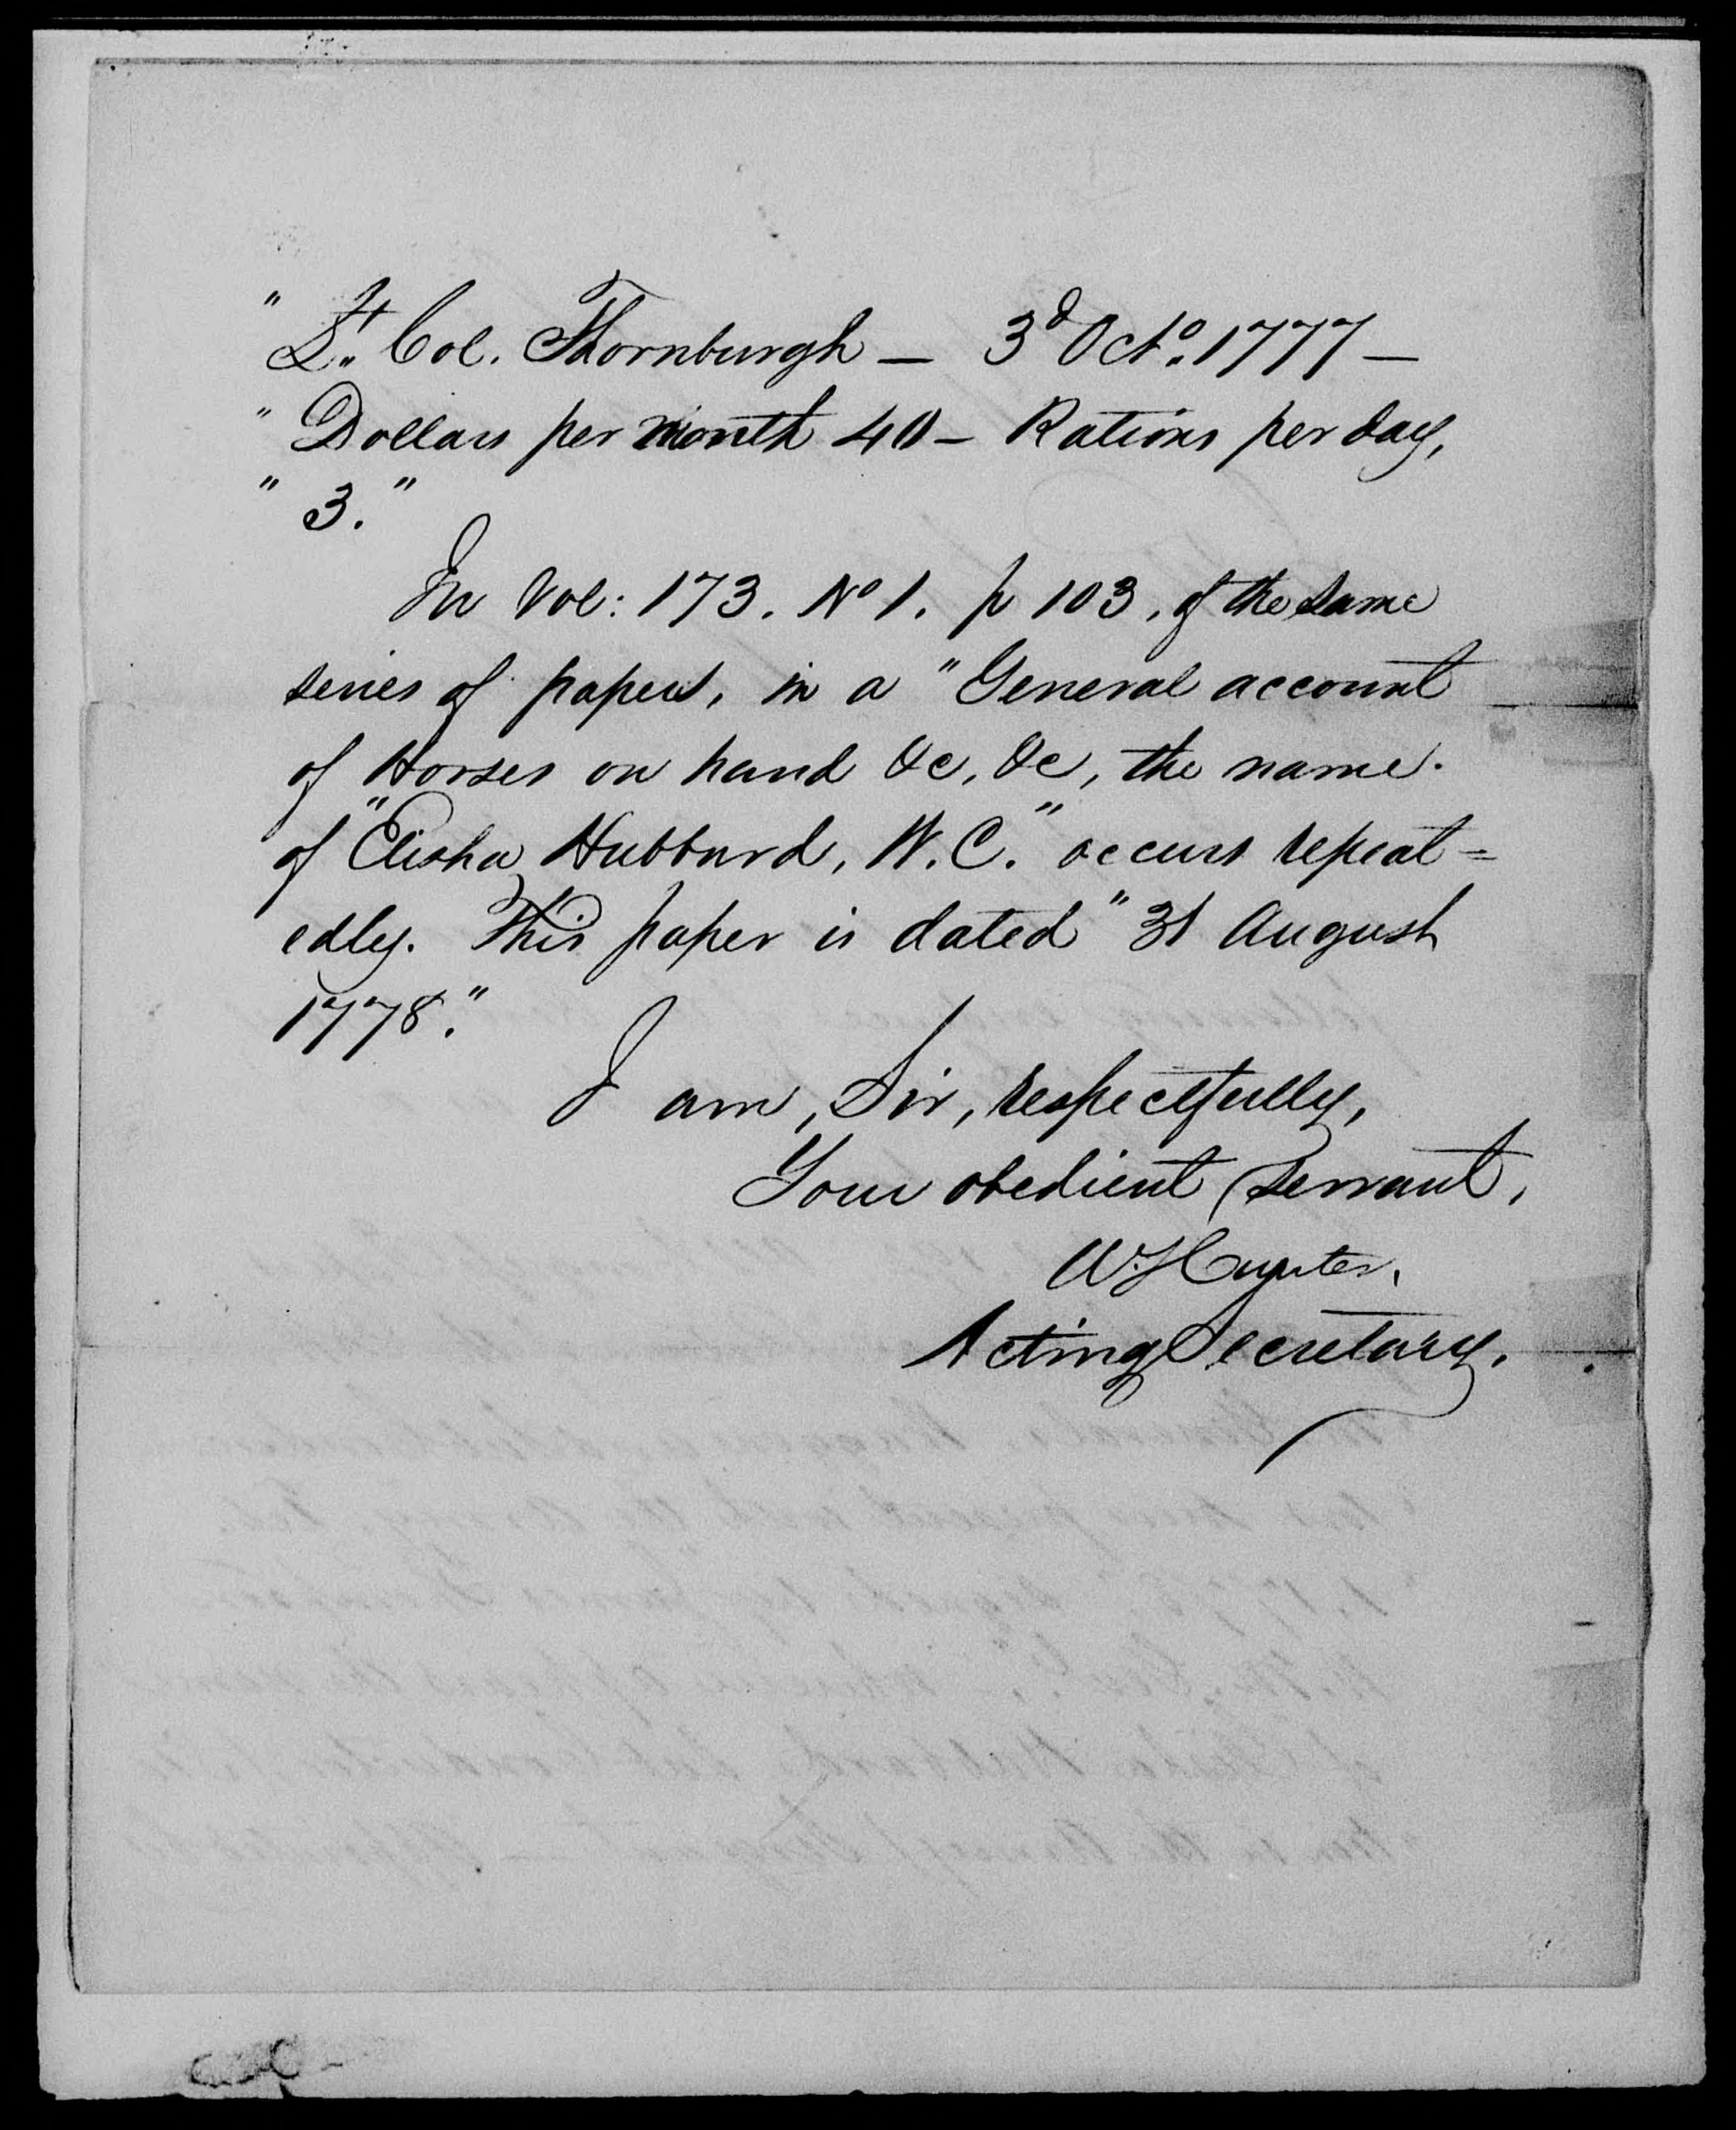" S. Col. Thornburgh - 3d Octo. 1777 - 
" Dollars per month 40 - Rations per day, "3"

In Vol: 173. No. 1.  p 103. of the same series of papers, in a "General account of Horses on hand Oc. Oc, the name of "Elisha Hubbard, W. C. occurs repeatedly.  This paper is dated "31 August 1778."

I am Sir, respectfully,
Your obedient Servant.
W.J. Carpenter
ActingSecretary.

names: W Hunter, Elisha Hubbard, Thornburgh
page: 43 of 63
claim: survivor's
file: S. 18457, Elisha Hubbard, Conn. Continental